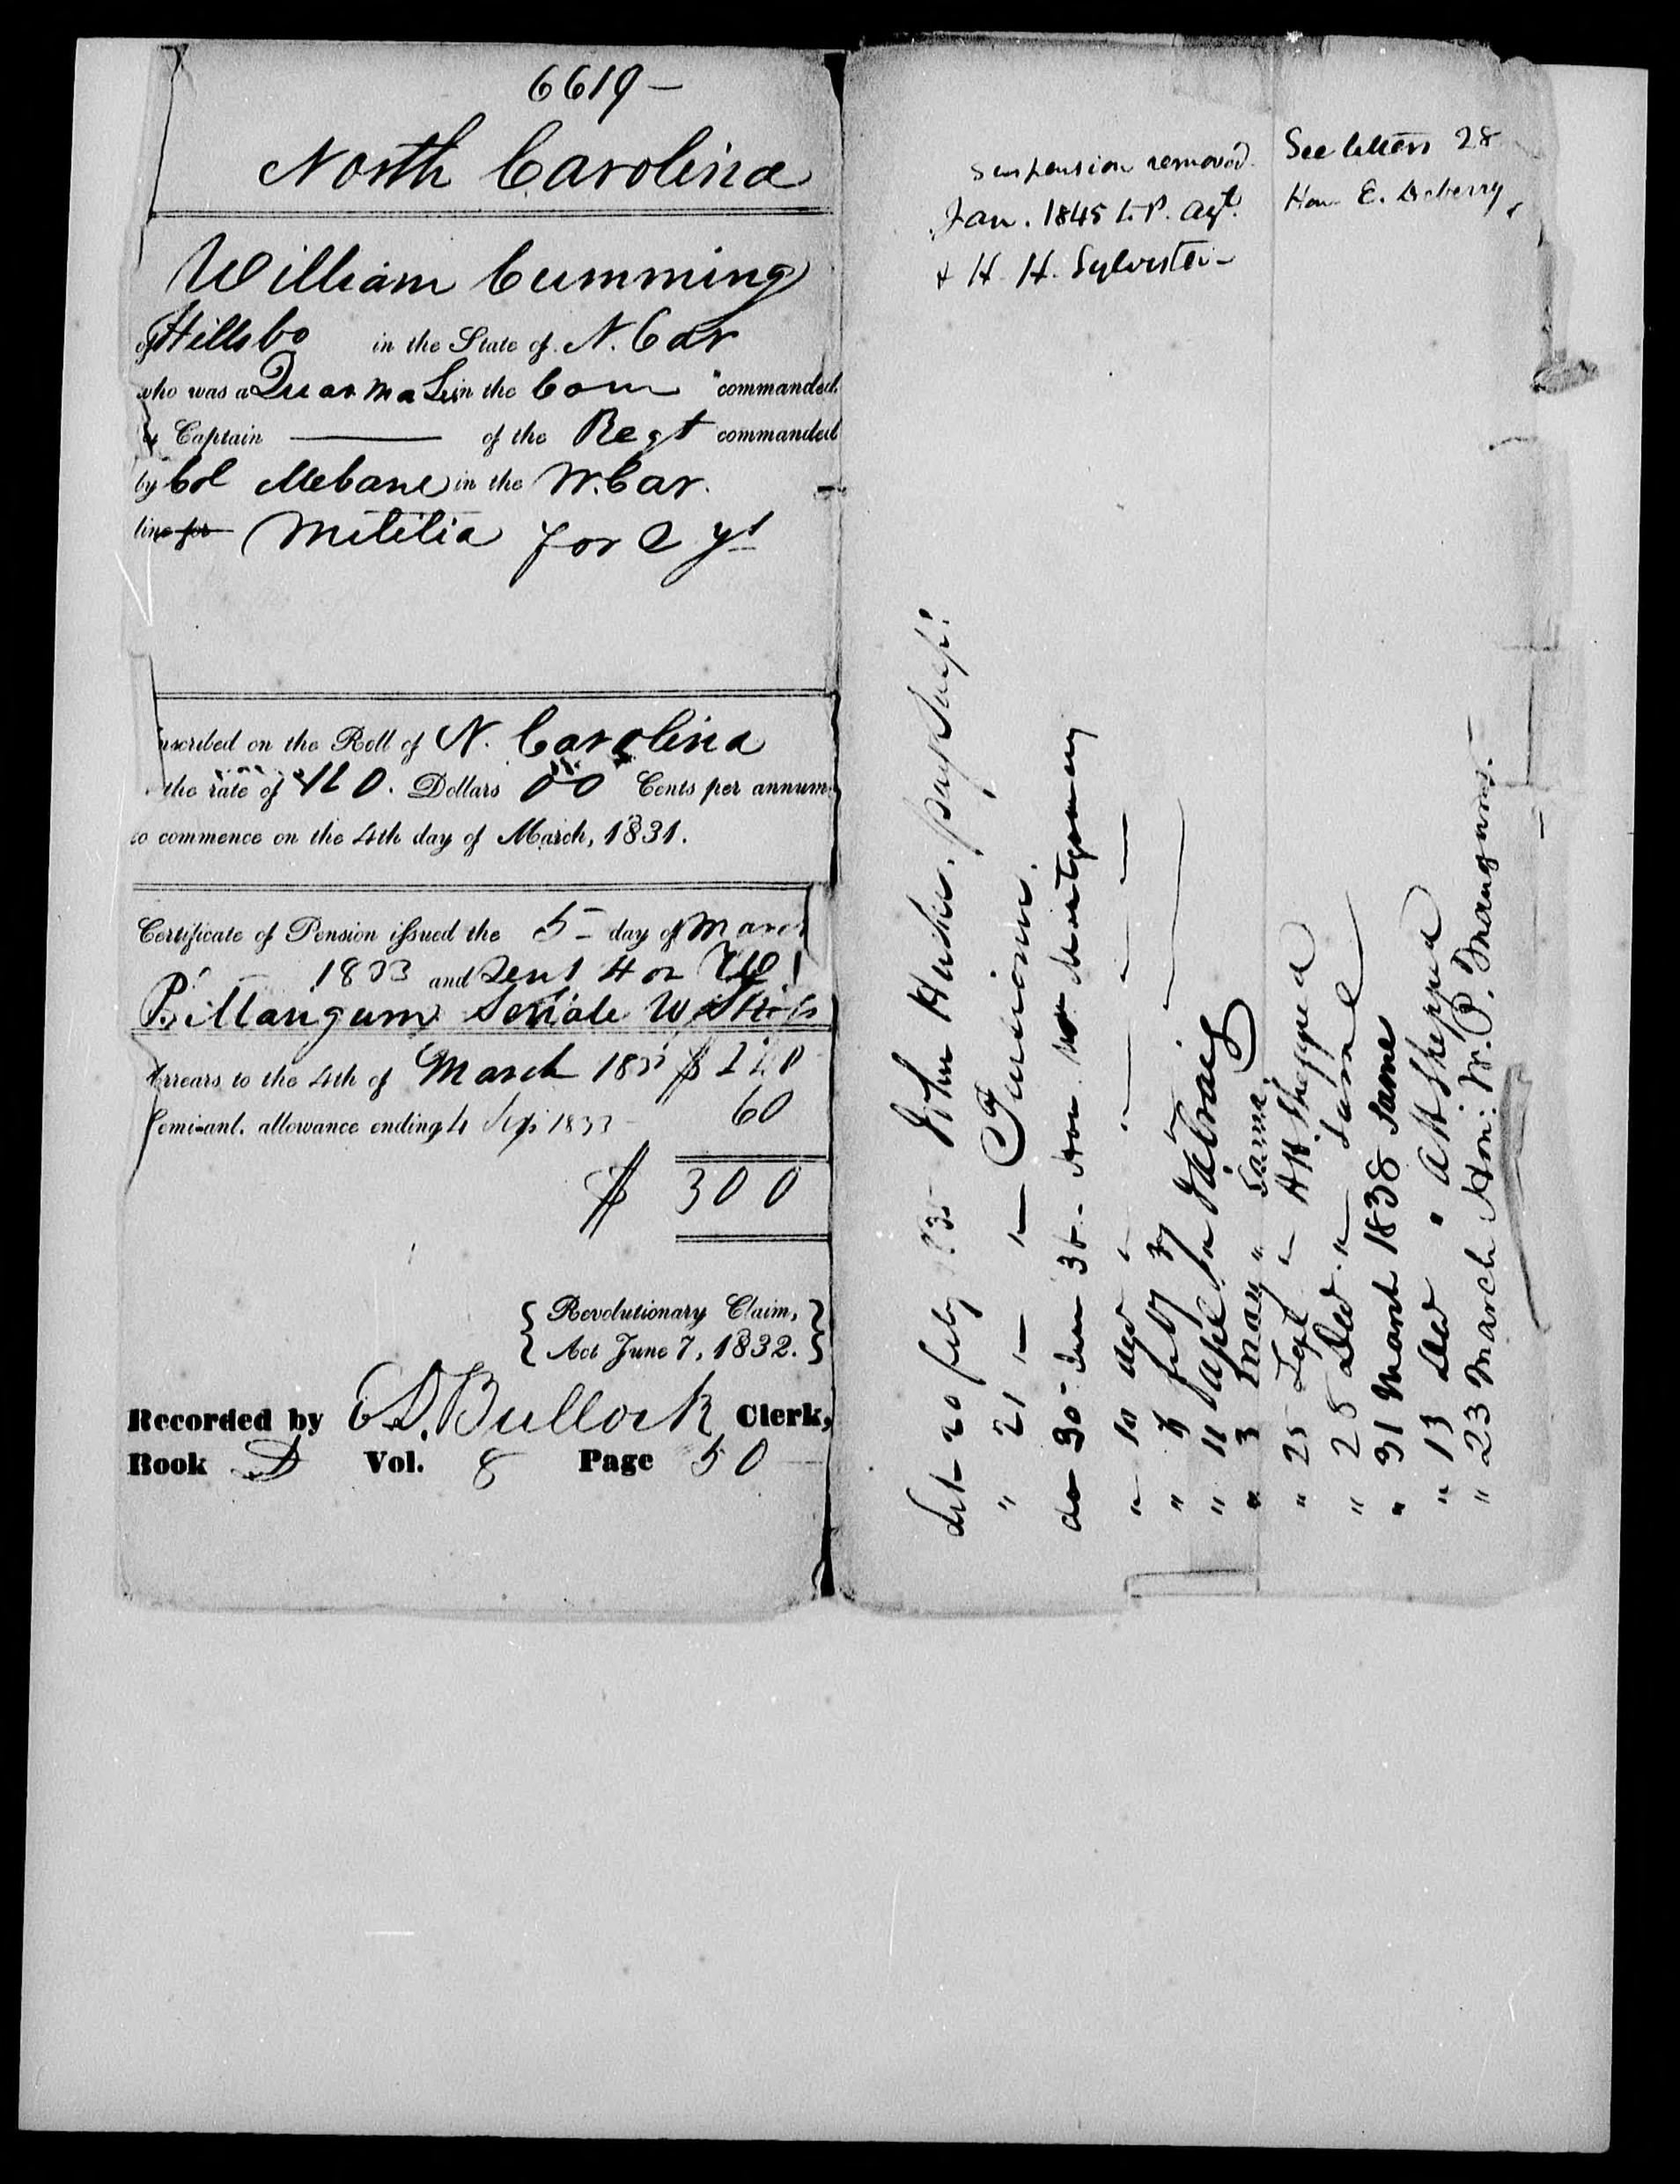[Well-worn record with curled and torn edges.  Left column has printed form with handwritten responses.  Right column has handwritten notations.]

[Left side column begins:]
6619-
North Carolina
____________________________
____________________________
William Cumming
of Hillsbo in the State of N. Car who was a QuarmaSer in the Com commanded -y Captain ___ of the Regt commanded by Col Mebane in the N. Car. line [here the word "for" was stricken through] Militia for 2 ys
___________________________________________________________________________________________________________
Inscribed on the Roll of N. Carolina __[word missing because of rolled document edge] the rate of 120. [or 160] Dollars 00 Cents per annum to commence on the 4th day of March, 1831.
__________________________________________________________________________________________________________
Certificate of Pension issued the 5 day of March 1833 and sent H or R__(illegible) P. Mangum  Senate W __(illegible)

Arrears to the 4th of March[?] 1832         $240
Semi-anl. allowance ending 4 Sep 1833  [$] 60
                                                             ___________
                                                                  $300
(Revolutionary Claim)
Act June 7, 1832.)
Recorded by E D. Bullock Clerk,
Book D Vol. 8 Page 50

[Right hand side of the page begins here with handwritten notations:]

suspension removed.                            l  See letters 28 
Jan. 1845 to P. [Pension] Agt. [Agent]   l  Hon. E. Deberry
and H. H. Sylvester 

[Written perpendicularly near the bottom of the page:]
Let 20 Feby 1835  John Hushe [or ?Hurke or ?Harker] Pay Susp [? or :]
" [Let, meaning Letter] __ __ [Feb 1835] [?] Pensions 
" [do or ditto] 30 June 36 [1836] __ [?] Hon. [?, given name blotted] Wm Montgomery
" [do or ditto] 10 decr [December] ________ _____ _______[possibly meaning 1836, to Wm Montgomery]
" [do or ditto] 6 Feby 37 [1837] ___ _____ [possibly meaning to Wm Montgomery]
" [do or ditto] Apr. " [1837, to]  J A Craig
" [do or ditto] 3 May " [1837] same [to J A Craig]
" [do or ditto] 25 [?] Sept " [1837 to] A H Shepped 
" [do or ditto] 28 Decr. " [1837] same [to A H Shepped] 
" [do or ditto] 31 March 1838 same [to A H Shepped] 
" [do or ditto] 13 Decr " [1838 to]  A H Shepped
" [do or ditto] 23 March [to] Hon: W. P. Mangum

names: E D Bullock, W P Mangum, A H Shepperd, Mc Cane, John Huke, W P Mangum, William Cumming, A H Shepperd, E Deberry, H H Sylvester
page: 2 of 145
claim: survivor's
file: S. 8265, William Cumming, N.C.